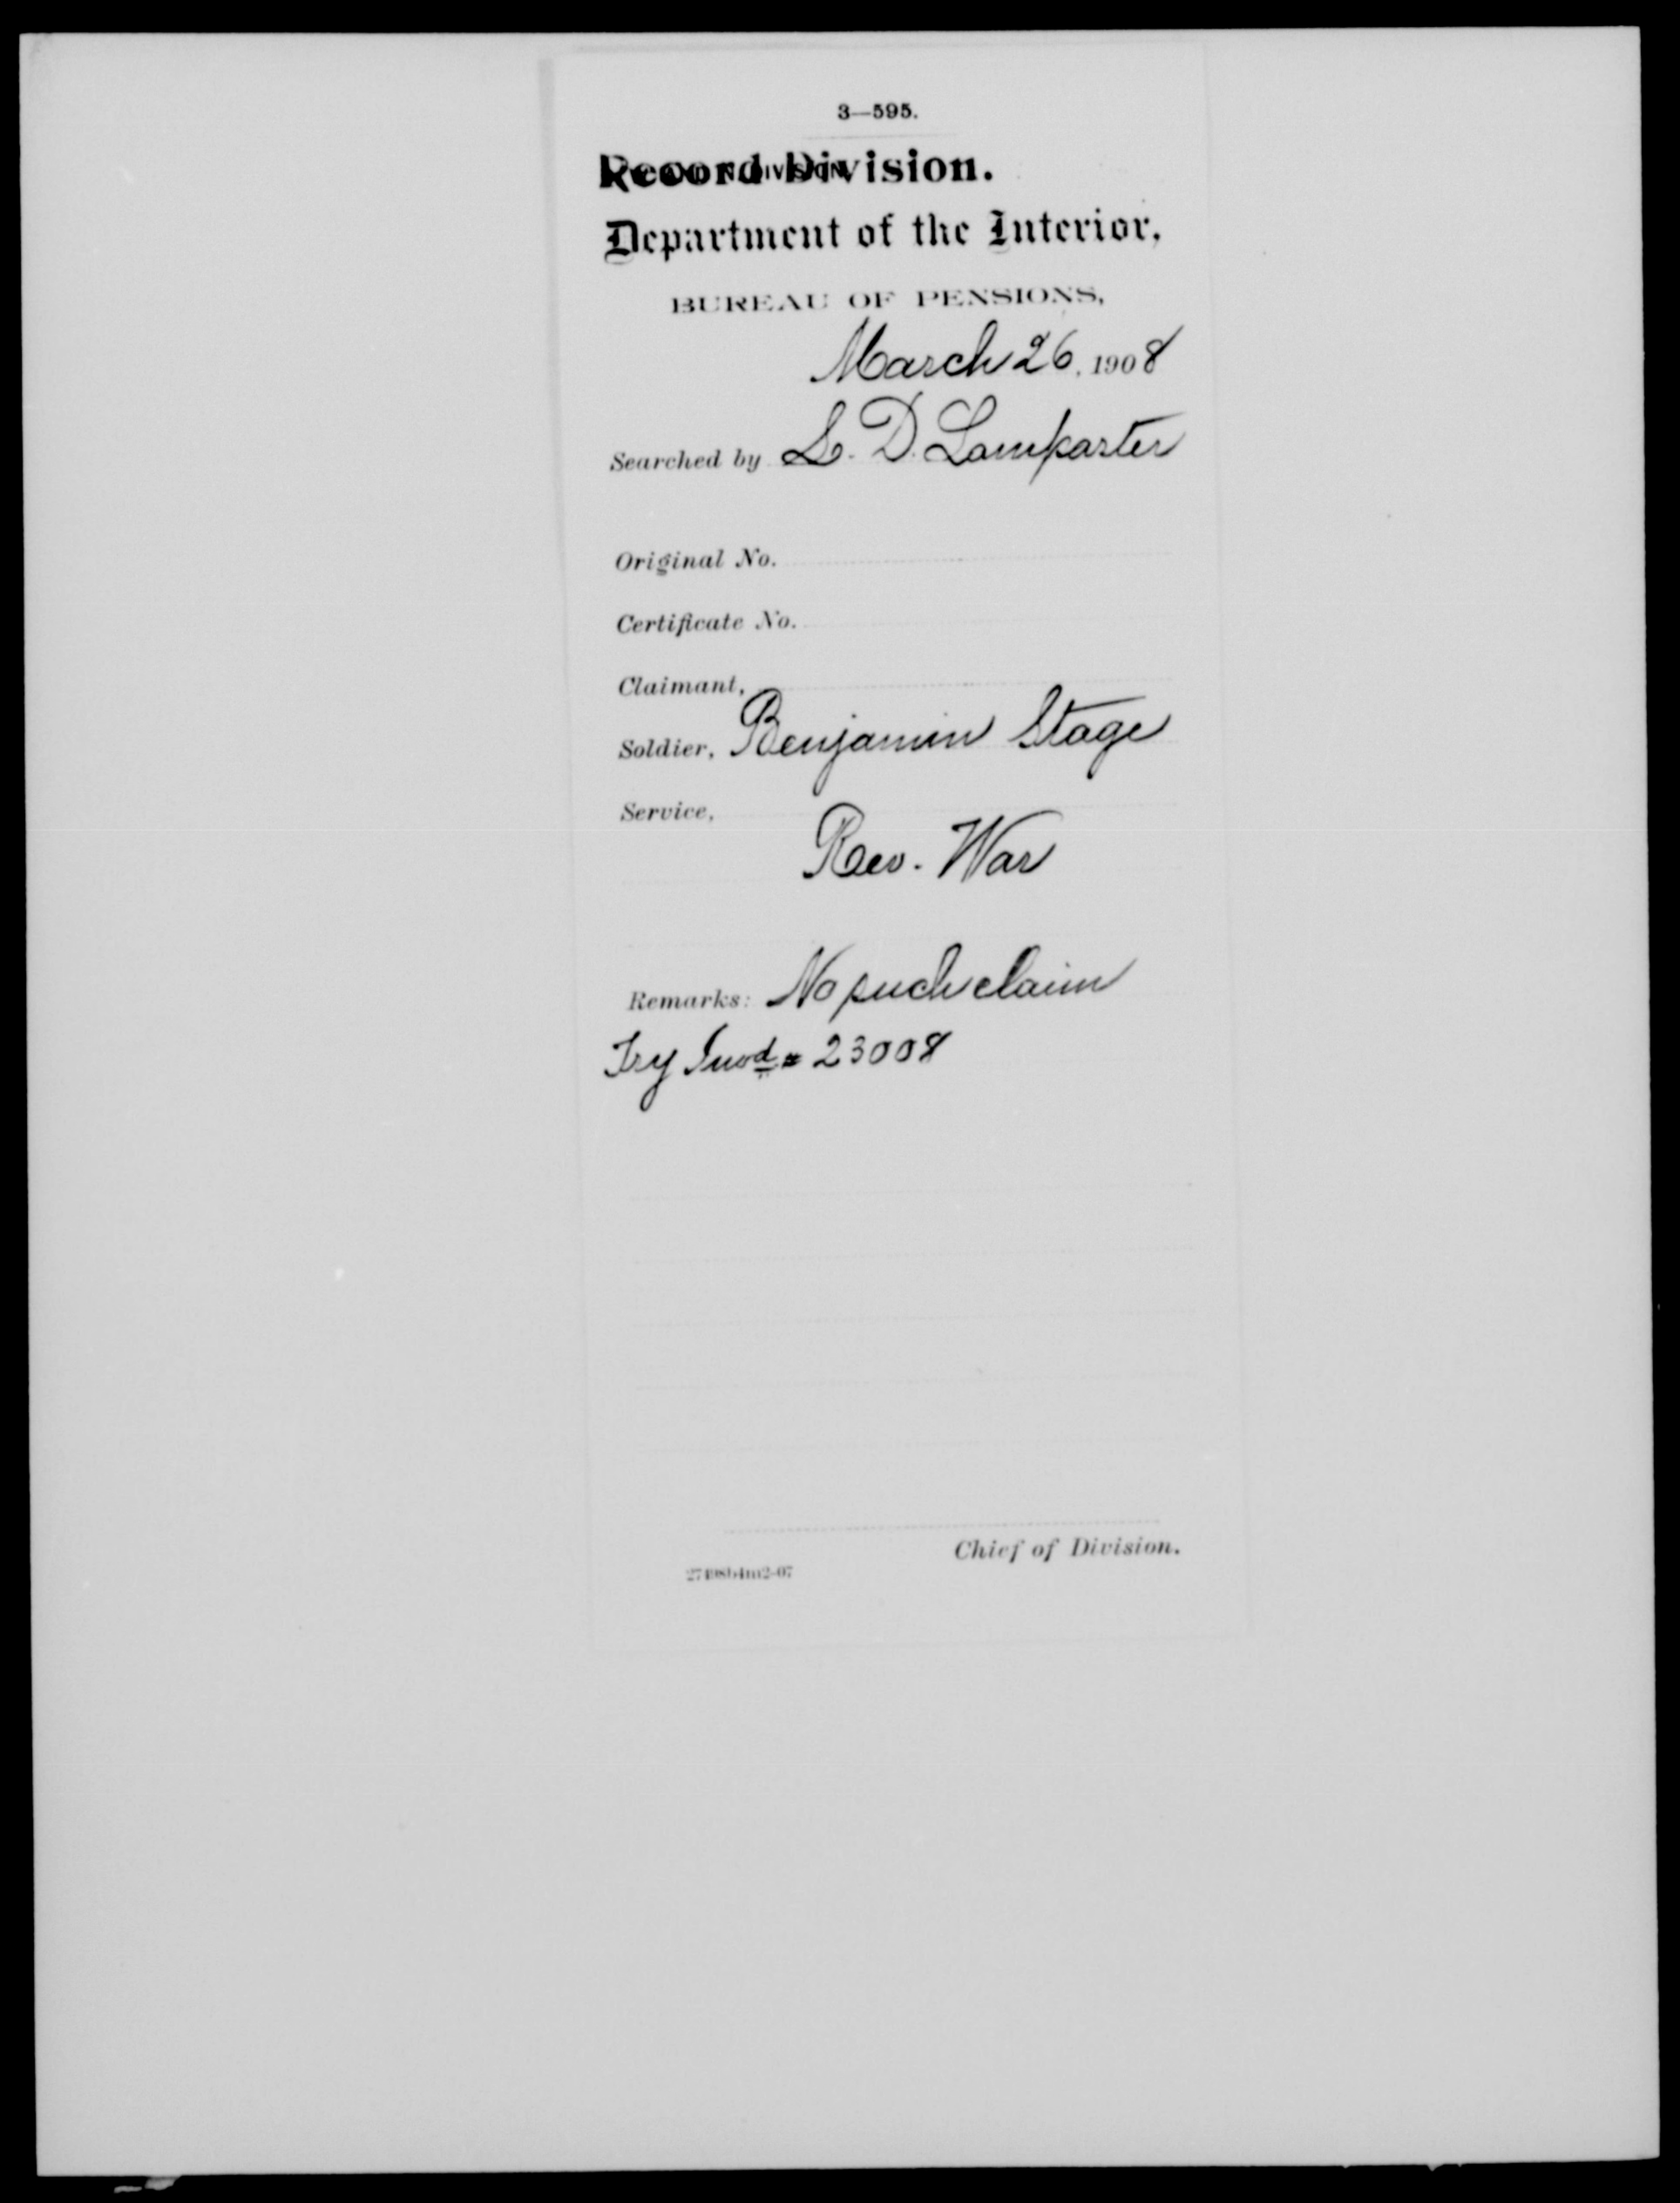3-595.

Record Division 
Department of the Interior.
Bureau of Pensions

March 26, 1908

Searched by S. D. Lamparter

Original No.

Certificate No.

Claimant

Soldier Benjamin State

Servie Rev. War

Remarks:  no such claim
Try 23008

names: L D Lamparter; Benjamin Stage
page: 20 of 23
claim: survivor's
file: S. 23008, for Benjamin Stage, New York